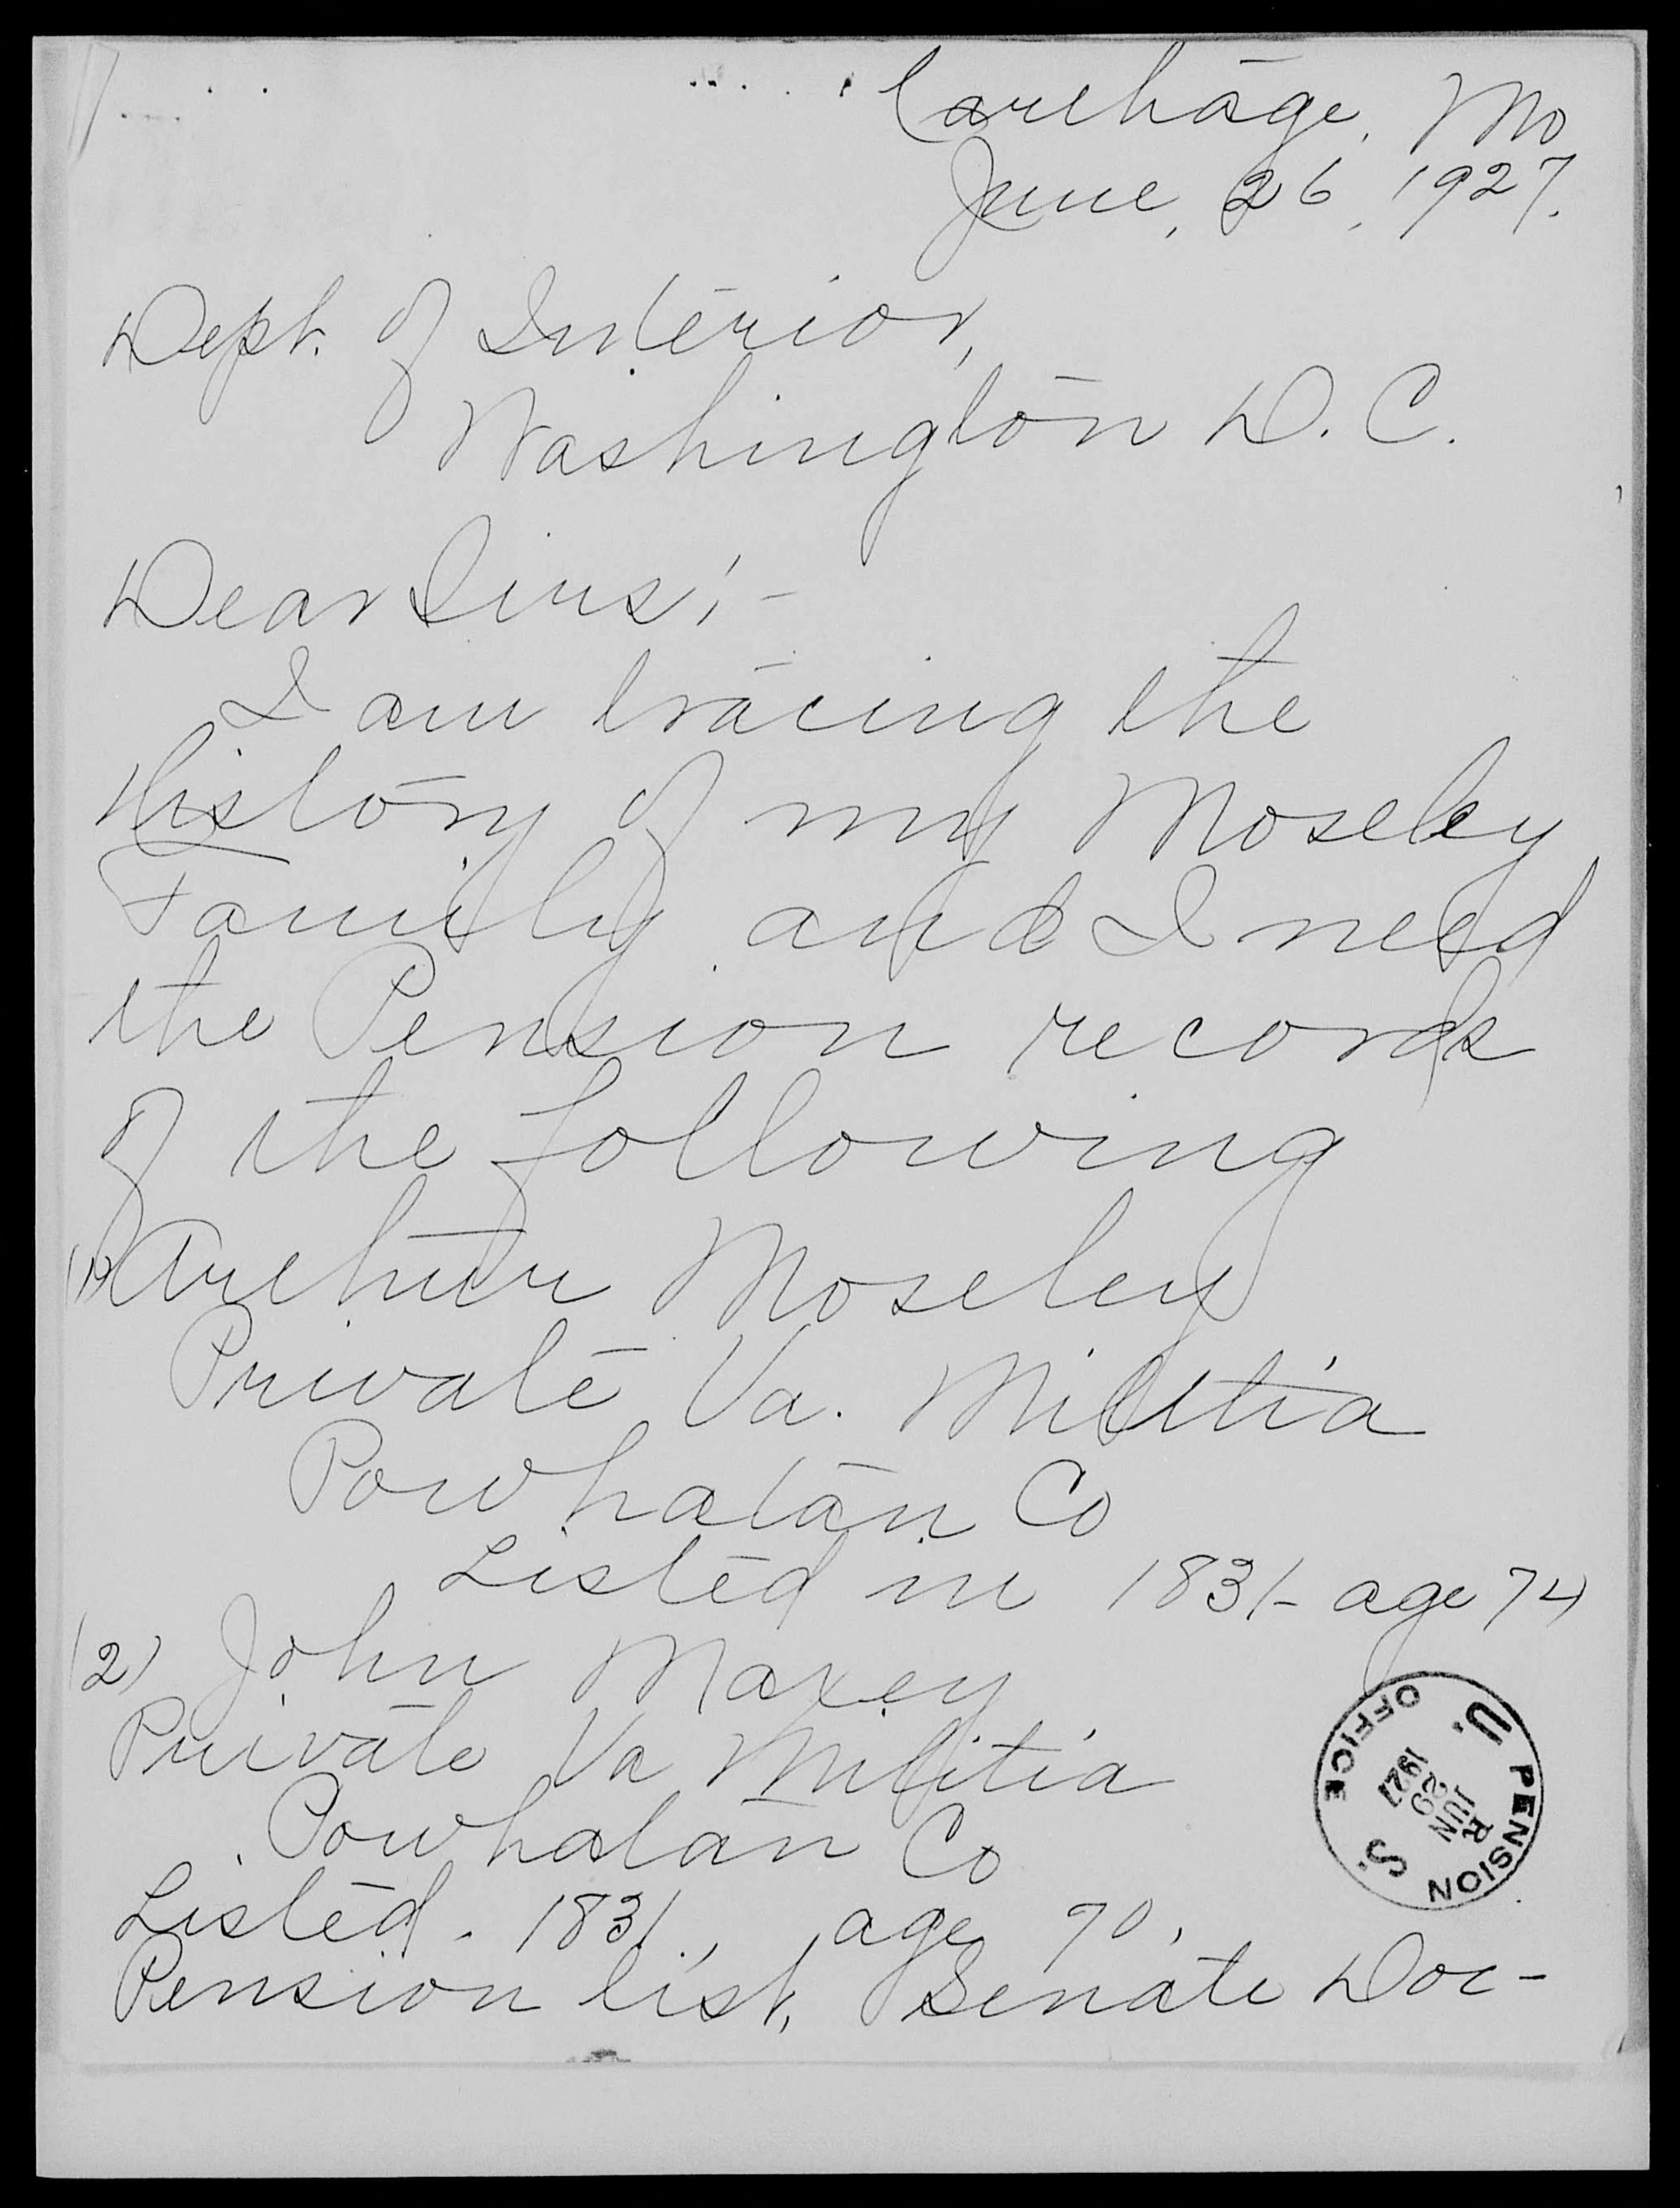Carthage, Mo

June, 26, 1927.

Dept. of Interior,

Washington D.C.

Dear Sirs: -

I am tracing the history of my Moseley Family and I need the Pension record of the following

(1)	Arthur Moseley
Private Va. Militia
Powhatan Co
Listed in 1831 – age 74

(2)	John Moaxey
Private Va Militia
Powhatan Co
Listed 1831, age 70,
Pension list, Senate Doc-

[round seal at bottom right of document] 
U. S. PENSION OFFICE
R
JUN
29
1927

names: John Maxey; Arthur Moseley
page: 18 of 21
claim: survivor's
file: S. 7240, for Arthur Moseley, Virginia